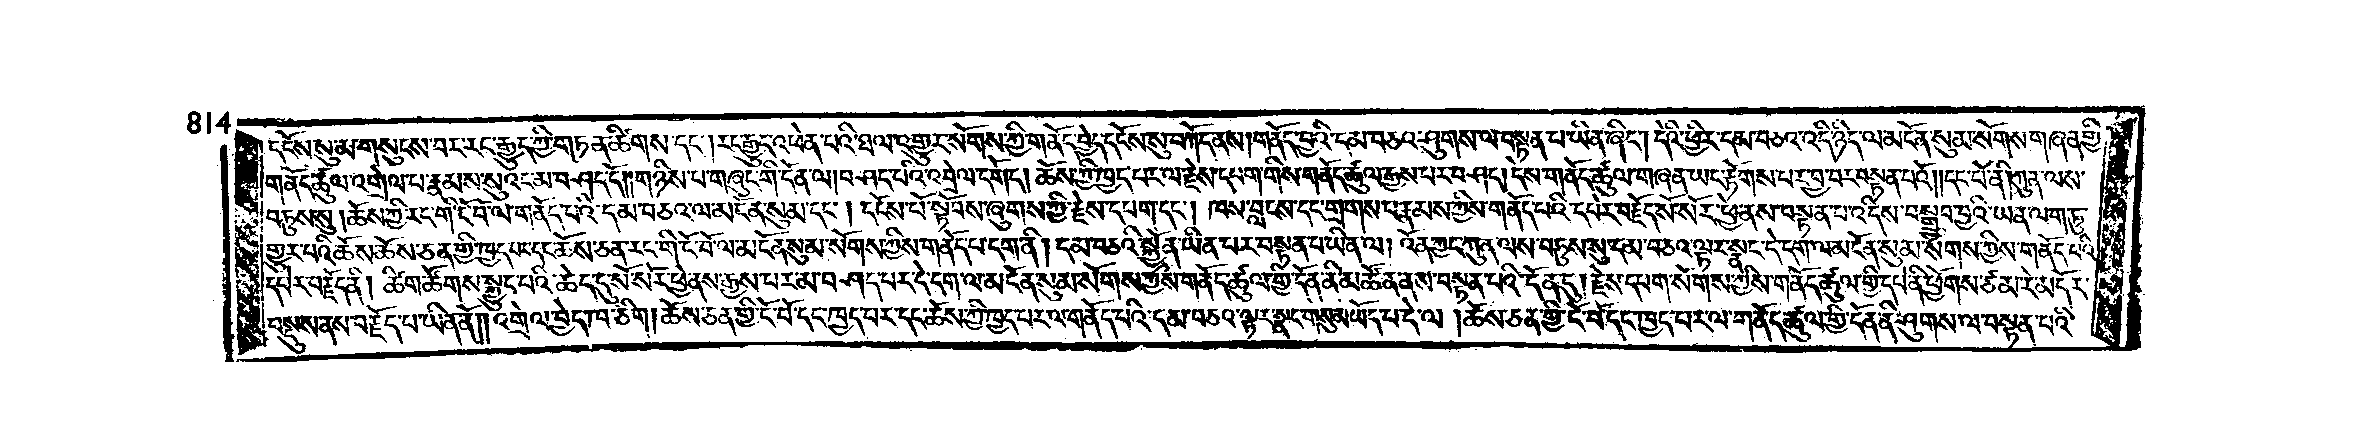དངོས་སུ་མ་གསུངས་པར་རང་རྒྱུད་ཀྱི་གཏན་ཚིགས་དང་། རང་རྒྱུད་འཕེན་པའི་ཐལ་འགྱུར་སོགས་ཀྱི་གནོད་བྱེད་དངོས་སུ་བཀོད་ནས། གནོད་བྱའི་དམ་བཅའ་ཤུགས་ལ་བསྟན་པ་ཡིན་ཞིང་། དེའི་ཕྱིར་དམ་བཅའ་འདི་ཉིད་ལ་མངོན་སུམ་སོགས་གཞན་གྱི་
གནོད་ཚུལ་འགྲེལ་བ་རྣམས་སུའང་མ་བཤད་དོ། །གཉིས་པ་གཞུང་གི་དོན་ལ། བཤད་པའི་འབྲེལ་དགོད། ཆོས་ཀྱི་ཁྱད་པར་ལ་རྗེས་དཔག་གིས་གནོད་ཚུལ་རྒྱས་པར་བཤད། དེས་གནོད་ཚུལ་གཞན་ཡང་རྟོགས་པར་བྱ་བར་བསྟན་པའོ། །དང་པོ་ནི། ཀུན་ལས་
བཏུས་སུ། ཆོས་ཀྱི་རང་གི་ངོ་བོ་ལ་གནོད་པའི་དམ་བཅའ་ལ་མངོན་སུམ་དང་། དངོས་པོ་སྟོབས་ཞུགས་ཀྱི་རྗེས་དཔག་དང་། ཁས་བླངས་དང་གྲགས་པ་རྣམས་ཀྱིས་གནོད་པའི་དཔེར་བརྗོད་སོ་སོར་ཕྱེ་ནས་བསྟན་པ་འདིས་བསྒྲུབ་བྱའི་ཡན་ལག་ཏུ་
གྱུར་པའི་ཆོས་ཆོས་ཅན་གྱི་ཁྱད་པར་དང་ཆོས་ཅན་རང་གི་ངོ་བོ་ལ་མངོན་སུམ་སོགས་ཀྱིས་གནོད་པ་དག་ནི། དམ་བཅའི་སྐྱོན་ཡིན་པར་བསྟན་པ་ཡིན་ལ། འོན་ཀྱང་ཀུན་ལས་བཏུས་སུ་དམ་བཅའ་ལྟར་སྣང་དེ་དག་ལ་མངོན་སུམ་སོགས་ཀྱི་གནོད་པའི་
དཔེར་བརྗོད་ནི། ཚིག་ཚོགས་སྒྱུར་པའི་ཆེད་དུ་སོ་སོར་ཕྱེ་ནས་རྒྱས་པར་མ་བཤད་པར་དེ་དག་ལ་མངོན་སུམ་སོགས་ཀྱིས་གནོད་ཚུལ་གྱི་དོན་ནི་མཚོན་ནས་བསྟན་པའི་དོན་དུ། རྗེས་དཔག་སོགས་ཀྱིས་གནོད་ཚུལ་གྱི་དཔེ་ནི་ཕྱོགས་ཙམ་རེ་མདོར་
བསྡུས་ནས་བརྗོད་པ་ཡིན་ནོ། །འགྲེལ་བྱེད་ཁ་ཅིག །ཆོས་ཅན་གྱི་ངོ་བོ་དང་ཁྱད་པར་དང་ཆོས་ཀྱི་ཁྱད་པར་ལ་གནོད་པའི་དམ་བཅའ་ལྟར་སྣང་གསུམ་ཡོད་པ་དེ་ལ། ཆོས་ཅན་གྱི་ངོ་བོ་དང་ཁྱད་པར་ལ་གནོད་ཚུལ་གྱི་དོན་ནི་ཤུགས་ལ་བསྟན་པའི་